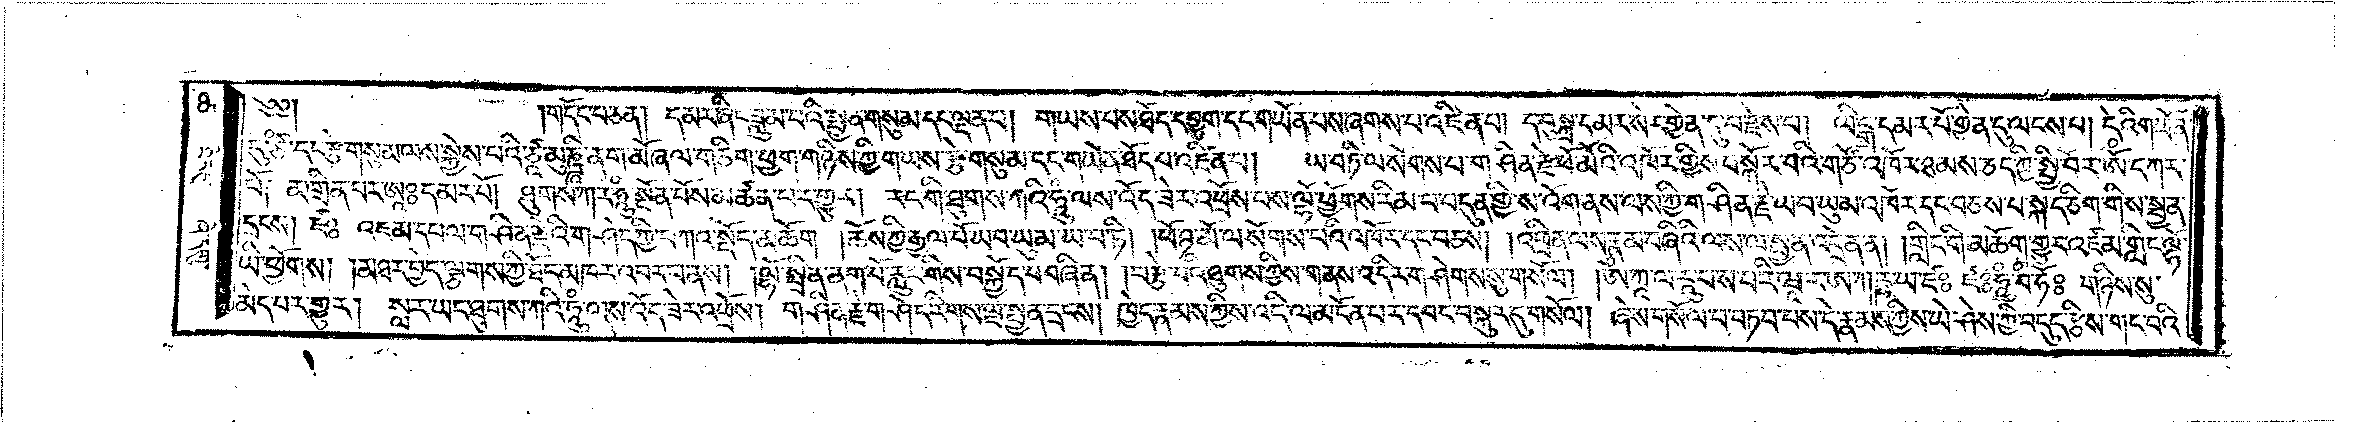༄༅། །གདོང་པ་ཅན། དམར་ཞིང་ཟླུམ་པའི་སྤྱན་གསུམ་དང་ལྡན་པ། གཡས་པས་ཐོད་དབྱུག་དང་གཡོན་པས་ཞགས་པ་འཛིན་པ། དབུ་སྐྲ་དམར་སེར་གྱེན་དུ་བརྗེས་པ། ལིངྒ་དམར་པོ་གྱེན་དུ་ལངས་པ། དེའི་གཡོན་
དུ་ཙཾ་དང་རྩེ་གསུམ་ལས་སྐྱེས་པའི་ཙཱ་མུཎྜཱི་ནག་མོ་ཞལ་གཅིག་ཕྱག་གཉིས་ཀྱི་གཡས་རྩེ་གསུམ་དང་གཡོན་ཐོད་པ་འཛིན་པ། ཡ་བ་ཏི་ལ་སོགས་པ་གཤིན་རྗེ་ཕོ་མོའི་འཁོར་གྱིས་བསྐོར་བའི་གཙོ་འཁོར་ཐམས་ཅད་ཀྱི་སྤྱི་བོར་ཨོཾ་དཀར་
པོ༑ མགྲིན་པར་ཨཱཿ དམར་པོ། ཐུགས་ཀར་ཧཱུཾ་སྔོན་པོས་མཚན་པར་གྱུར། རང་གི་ཐུགས་ཀའི་ཧཱུཾ་ལས་འོད་ཟེར་འཕྲོས་པས་ལྷོ་ཕྱོགས་རིམ་པ་བདུན་གྱི་ས་འོག་ནས་ལས་ཀྱི་གཤིན་རྗེ་ཡབ་ཡུམ་འཁོར་དང་བཅས་པ་སྐད་ཅིག་གིས་སྤྱན་
དྲངས། ཛཿ འཇམ་དཔལ་གཤིན་རྗེའི་གཤེད་ཀྱི་བཀའ་སྡོད་མཆོག །ཆོས་ཀྱི་རྒྱལ་པོ་ཡབ་ཡུམ་ཡ་བ་ཏི། །ཕོ་ཉ་མོ་ལ་སོགས་པའི་འཁོར་དང་བཅས། །འཕྲིན་ལས་རྣམས་བཞིའི་ལས་ལ་སྤྱན་འདྲེན་ན། །གླིང་གི་མཆོག་གྱུར་འཛམ་གླིང་ལྷོ་
ཡི་ཕྱོགས། །མཐར་བྱེད་ལྕགས་ཀྱི་ཐོད་མཁར་འབར་བ་ནས། །ལྷོ་སྤྲིན་ནག་པོ་རླུང་གིས་བསྐྱོད་པ་བཞིན། །བརྩེ་བའི་ཐུགས་ཀྱིས་གནས་འདིར་གཤེགས་སུ་གསོལ། །ཨོཾ་ཀཱ་ལ་རཱུ་པས་པ་རི་ཝཱ་ར་ཨ་ཀརྵ་ཡ་ཛཿ ཛཿཧཱུཾ་བཾ་ཧོཿ གཉིས་སུ་
མེད་པར་གྱུར། སླར་ཡང་ཐུགས་ཀའི་ཧཱུཾ་ལས་འོད་ཟེར་འཕྲོས། གཤིན་རྗེ་གཤེད་རིགས་ལྔ་སྤྱན་དང་། ཁྱེད་ནམས་ཀྱིས་འདི་ལ་མངོན་པར་དབང་བསྐུར་དུ་གསོལ། ཞེས་གསོལ་བ་བཏབ་པས་དེ་རྣམས་ཀྱིས་ཡེ་ཤེས་ཀྱི་བདུད་རྩིས་གང་བའི་